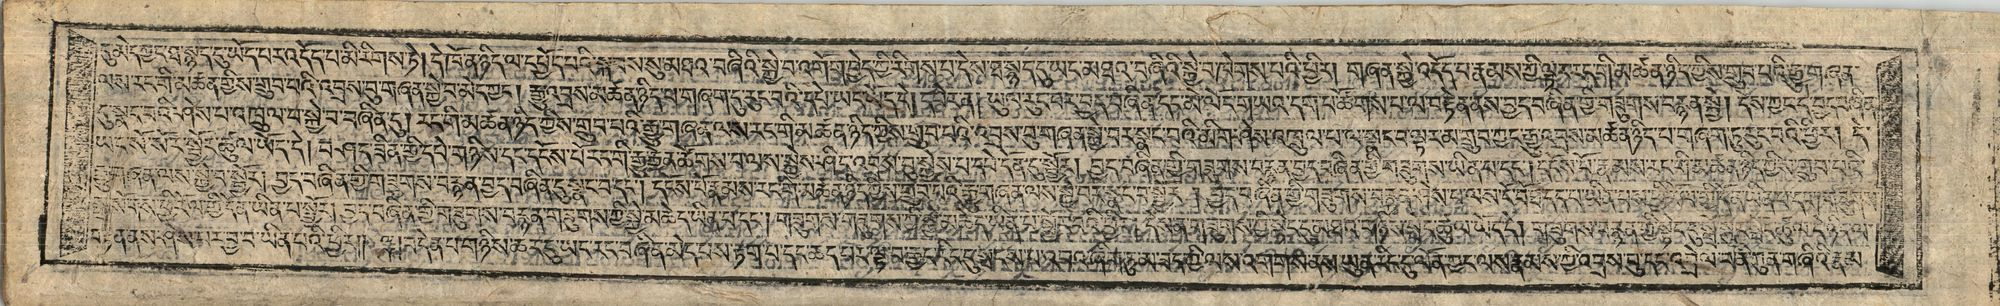དུ་མེད་ཀྱང་ཐ་སྙད་དུ་ཡོད་པར་འདོད་པ་མི་རིགས་ཏེ། དེ་ཁོ་ན་ཉིད་ལ་དཔྱོད་པའི་སྐབས་སུ་མཐའ་བཞིའི་སྐྱེ་བ་འགོག་བྱེད་ཀྱི་རིགས་པ་དེས་ཐ་སྙད་དུ་ཡང་མཐའ་བཞིའི་སྐྱེ་བ་ཁེགས་པའི་ཕྱིར། གཞན་སྐྱེ་འདོད་པ་རྣམས་ཀྱི་ལྟར་རང་གི་མཚན་ཉིད་ཀྱིས་གྲུབ་པའི་རྒྱུ་གཞན་
ལས་རང་གི་མཚན་གྱིས་གྲུབ་པའི་འབྲས་བུ་གཞན་སྐྱེ་བ་མེད་ཀྱང་། རྒྱུ་འབྲས་མཚན་ཉིད་པ་གཞག་དུ་རུང་བའི་དཔེ་ཡང་ཡོད་དེ། དཔེར་ན། ཡུལ་རུང་བར་བྱད་བཞིན་དང་མེ་ལོང་གཡའ་དག་པ་ཚོགས་པ་ལ་བརྟེན་ནས་བྱད་བཞིན་གྱི་གཟུགས་བརྙན་སྐྱེ། དེས་ཀྱང་དེ་བྱད་བཞིན་
དུ་སྣང་བའི་ཤེས་པ་འཁྲུལ་པ་སྐྱེ་བ་བཞིན་དུ། རང་གི་མཚན་ཉིད་ཀྱིས་གྲུབ་པའི་རྒྱུ་གཞན་ལས་རང་གི་མཚན་ཉིད་ཀྱིས་གྲུབ་པའི་འབྲས་བུ་གཞན་སྐྱེ་བར་སྣང་བའི་མིག་ཤེས་འཁྲུལ་པ་ལ་སྣང་བ་ལྟར་མ་གྲུབ་ཀྱང་རྒྱུ་འབྲས་མཚན་ཉིད་པ་གཞག་ཏུ་རུང་བའི་ཕྱིར། དེ་
ཡང་སོ་སོར་སྦྱོར་ཚུལ་ཡོད་དེ། བཤད་ཟིན་གྱི་དཔེ་གཉིས་དང་དངོས་པོ་རང་གི་རྒྱུ་རྐྱེན་ཚོགས་པ་ལས་སྐྱེས་ཤིང་འབྲས་བུ་སྐྱེས་པ་དཔེ་དོན་དུ་སྦྱོར། བྱད་བཞིན་གྱི་གཟུགས་བརྙན་བྱད་བཞིན་གྱི་གཟུགས་ཡིན་པ་དང་། དངོས་པོ་རྣམས་རང་གི་མཚན་ཉིད་ཀྱིས་གྲུབ་པའི་
རྒྱུ་གཞན་ལས་སྐྱེ་བ་སྦྱོར། བྱད་བཞིན་གྱི་གཟུགས་བརྙན་བྱད་བཞིན་དུ་སྣང་བ་དང་། དངོས་པོ་རྣམས་རང་གི་མཚན་ཉིད་ཀྱིས་གྲུབ་པའི་རྒྱུ་གཞན་ལས་སྐྱེ་བར་སྣང་བ་སྦྱོར། བྱད་བཞིན་གྱི་གཟུགས་བརྙན་ཤེས་པ་ལས་ངོ་བོ་ཐ་དད་པ་ཡིན་པས་ཕྱི་རོལ་གྱི་དོན་ཡིན་པ་དང་། གཟུགས་
སྒྲ་སོགས་ཕྱི་རོལ་གྱི་དོན་ཡིན་པ་སྦྱོར། བྱད་བཞིན་གྱི་གཟུགས་བརྙན་གཟུགས་ཀྱི་སྐྱེ་མཆེད་ཡིན་པ་དང་། གཟུགས་གཟུགས་ཀྱི་སྐྱེ་མཆེད་ཡིན་པ་སྦྱོར་བའི་ཕྱིར། དེས་ན་གཟུགས་ཀྱི་སྟེང་དུ་མཐའ་གཉིས་སྤོང་ཚུལ་ཡོད་དེ། གཟུགས་བརྙན་གྱི་སྟེང་དུ་སྒྲོ་སྐུར་སྤོང་ཚུལ་དེ་ཉིད་ལ་
བརྟེན་ནས་ཤེས་པར་བྱ་བ་ཡིན་པའི་ཕྱིར།། ༈ །བདེན་པ་གཉིས་ཆར་དུ་ཡང་རང་བཞིན་མེད་པས་རྟག་པ་དང་ཆད་པར་ལྟ་བ་རྒྱང་རིང་དུ་སྤངས་པ་འབའ་ཞིག་ཏུ་མ་ཟད་ཀྱི་ལས་འགགས་ནས་ཡུན་རིང་དུ་ལོན་ཀྱང་ལས་རྣམས་ཀྱི་འབྲས་བུ་དང་འབྲེལ་བ་ནི་ཀུན་གཞིའི་རྣམ་